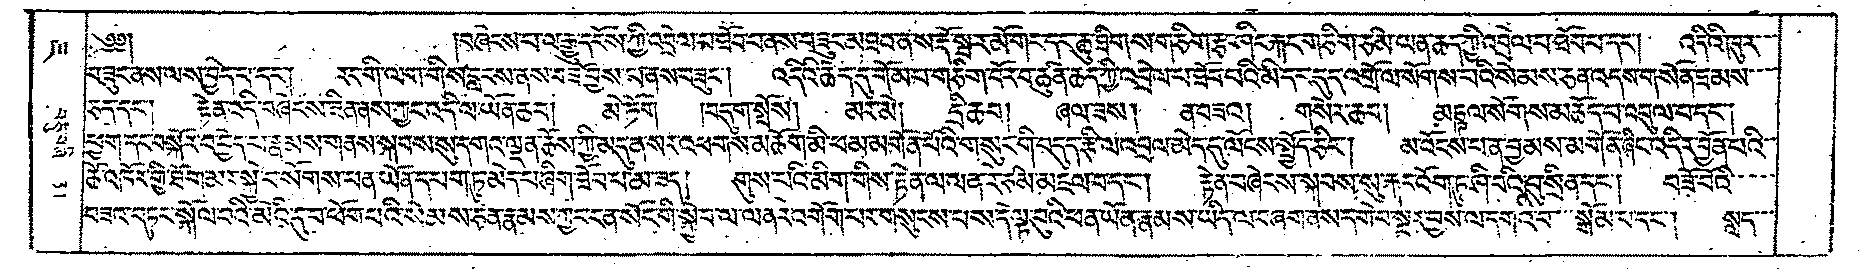༄༅། །བཞེངས་པ་ལ་རྒྱུ་དངོས་ཀྱི་འབྲེལ་པ་ཐོབ་པ་ནས་བཟུང་མཐའ་ན་སོ་རྡོ་སྦར་མོ་གང་དང་ཆུ་ཐིགས་གཅིག་རྩ་ཤིང་རྐང་གཅིག་ཙམ་ཡན་ཆད་ཀྱི་འབྲེལ་བ་ཐོབ་པ་དང་། འདིའི་ཁུར་
བཟུང་ནས་ལས་བྱེད་པ་དང་། རང་གི་ལག་གིས་བླངས་ནས་བཟོ་བྱས་པ་ནས་བཟུང་། འདིའི་ཆེད་དུ་གོམ་པ་གཅིག་བོར་བ་ཚུན་ཆད་ཀྱི་འབྲེལ་པ་ཐོབ་པའི་མི་དང་དུད་འགྲོ་ལ་སོགས་པའི་སེམས་ཅན་འདས་གསོན་ཐམས་
ཅད་དང་། རྟེན་འདི་བཞེངས་ཟིན་ནས་ཀྱང་འདི་ལ་ཡོན་ཆབ། མེ་ཏོག །བདུག་སྤོས། མར་མེ། དྲི་ཆབ། ཞལ་ཟས། ན་བཟའ། གསེར་ཆབ། མཎྜལ་སོགས་མཆོད་པ་འབུལ་བ་དང་།
ཕྱག་དང་བསྐོར་བ་བྱེད་པ་རྣམས་གནས་སྐབས་སུ་དགའ་ལྡན་ཆོས་ཀྱི་མདུན་སར་འཕགས་མཆོག་མི་ཕམ་མགོན་པོའི་གསུང་གི་བདུད་རྩི་ལ་འབྲལ་མེད་དུ་ལོངས་སྤྱོད་ཅིང་། མ་འོངས་པ་ན་བྱམས་མགོན་ཞིང་འདིར་བྱོན་པའི་
ཚེ་འཁོར་གྱི་ཐོག་མར་སྐྱེ་བ་སོགས་ཕན་ཡོན་དཔག་ཏུ་མེད་པ་ཞིག་ཐོབ་པ་མ་ཟད། གུས་པའི་མིག་གིས་རྟེན་ལ་ལན་རེ་ཙམ་མཇལ་བ་དང་། རྟེན་བཞེངས་སྐབས་སུ་རྐང་འོག་ཏུ་ཤི་བའི་འབུ་སྲིན་དང་། བཟོ་བོའི་
བཟའ་བཏུང་སྐོལ་བའི་མེའི་དུ་བ་ཕོག་པའི་སེམས་ཅན་རྣམས་ཀྱང་ངན་སོང་གི་སྐྱེ་བ་ལ་ལན་རེ་འགོག་པར་གསུངས་པས་དེ་ལྟ་བུའི་ཕན་ཡོན་རྣམས་ཡིད་ལ་བཞག་ནས་དགེ་བ་སྔར་བྱས་ལ་དགའ་བ་སྒོམ་པ་དང་། སླད་